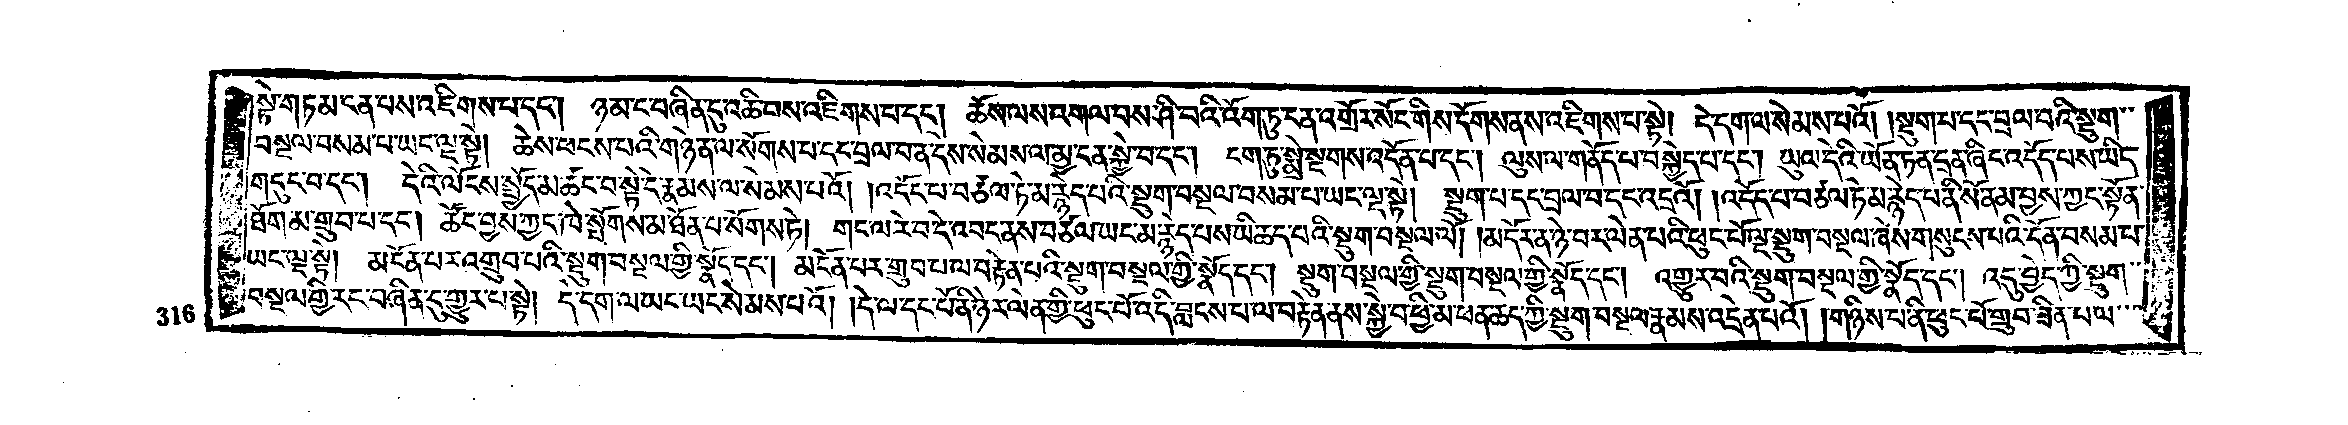སྟེ་གཏམ་ངན་པས་འཇིགས་པ་དང་། ཉམ་ང་བཞིན་དུ་འཆི་བས་འཇིགས་པ་དང་། ཆོས་ལས་འགལ་བས་ཤི་བའི་འོག་ཏུ་ངན་འགྲོར་སོང་གིས་དོགས་ནས་འཇིགས་པ་སྟེ། དེ་དག་ལ་སེམས་པའོ། །སྡུག་པ་དང་བྲལ་བའི་སྡུག་
བསྔལ་བསམ་པ་ཡང་ལྔ་སྟེ། ཆེས་ཕངས་པའི་གཉེན་ལ་སོགས་པ་དང་བྲལ་བ་ན་དེས་སེམས་ལ་མྱ་ངན་སྐྱེ་བ་དང་། ངག་ཏུ་སྨྲེ་སྔགས་འདོན་པ་དང་། ལུས་ལ་གནོད་པ་བསྐྱེད་པ་དང་། ཡུལ་དེའི་ཡོན་ཏན་དྲན་ཞིང་འདོད་པས་ཡིད་
གདུང་བ་དང་། དེའི་ལོངས་སྤྱོད་མཚང་བ་སྟེ་དེ་རྣམས་ལ་སེམས་པའོ། །འདོད་པ་བཙལ་ཏེ་མ་རྙེད་པའི་སྡུག་བསྔལ་བསམ་པ་ཡང་ལྔ་སྟེ། སྡུག་པ་དང་བྲལ་བ་དང་འདྲའོ། །འདོད་པ་བཙལ་ཏེ་མ་རྙེད་པ་ནི་སོ་ནམ་བྱས་ཀྱང་སྟོན་
ཐོག་མ་གྲུབ་པ་དང་། ཚོང་བྱས་ཀྱང་ཁེ་སྤོགས་མ་ཐོན་པ་སོགས་ཏེ། གང་ལ་རེ་བ་དེ་འབད་ནས་བཙལ་ཡང་མ་རྙེད་པས་ཡི་ཆད་པའི་སྡུག་བསྔལ་ལོ། །མདོར་ན་ཉེ་བར་ལེན་པའི་ཕུང་པོ་ལྔ་སྡུག་བསྔལ་ཞེས་གསུངས་པའི་དོན་བསམ་པ་
ཡང་ལྔ་སྟེ། མངོན་པར་འགྲུབ་པའི་སྡུག་བསྔལ་གྱི་སྣོད་དང་། མངོན་པར་གྲུབ་པ་ལ་བརྟེན་པའི་སྡུག་བསྔལ་གྱི་སྣོད་དང་། སྡུག་བསྔལ་གྱི་སྡུག་བསྔལ་གྱི་སྣོད་དང་། འགྱུར་བའི་སྡུག་བསྔལ་གྱི་སྣོད་དང་། འདུ་བྱེད་ཀྱི་སྡུག་
བསྔལ་གྱི་རང་བཞིན་དུ་གྱུར་པ་སྟེ། དེ་དག་ལ་ཡང་ཡང་སེམས་པའོ། །དེ་ལ་དང་པོ་ནི་ཉེར་ལེན་གྱི་ཕུང་པོ་འདི་བླངས་པ་ལ་བརྟེན་ནས་སྐྱེ་བ་ཕྱི་མ་ཕན་ཆད་ཀྱི་སྡུག་བསྔལ་རྣམས་འདྲེན་པའོ། །གཉིས་པ་ནི་ཕུང་པོ་གྲུབ་ཟིན་པ་ལ་